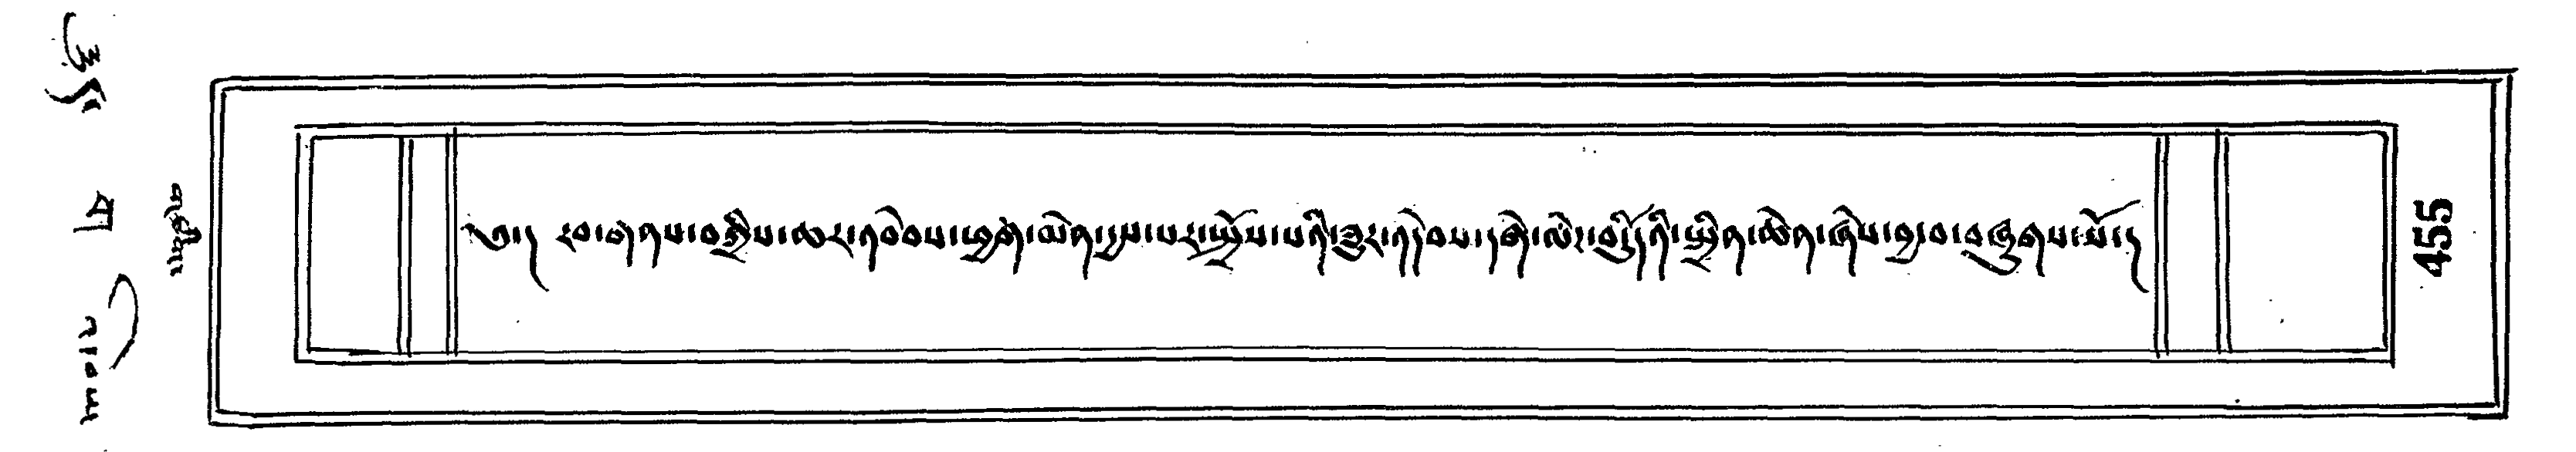༄༅། རབ་གནས་བཀྲ་ཤིས་འབེབས་ཕྱག་ལེན་རྒྱས་པར་སྤྲོ་པའི་ཟུར་འདེབས་དགེ་ལེགས་བདུད་རྩིའི་སྤྲིན་ཆེན་ཞེས་བྱ་བ་བཞུགས་སོ།།